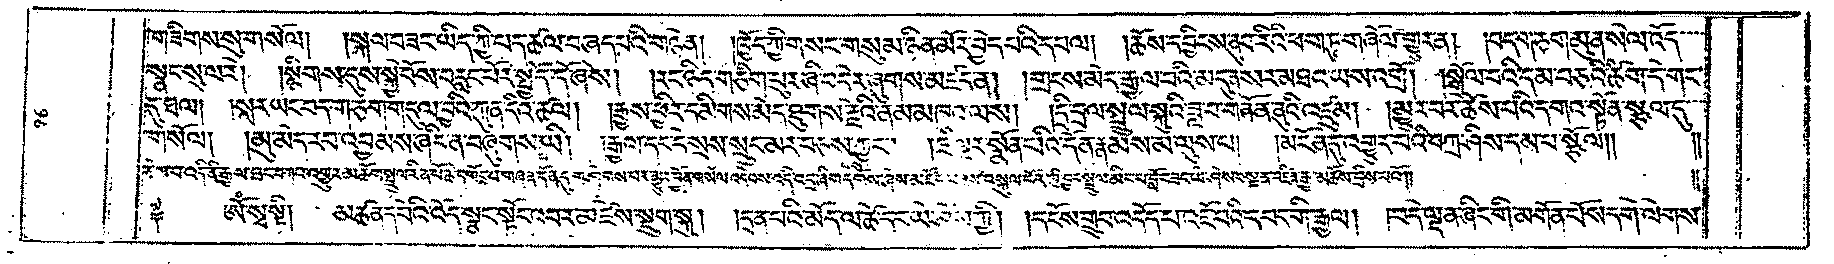གཟིགས་སུ་གསོལ། །སྐལ་བཟང་ཡིད་ཀྱི་པད་ཚལ་བཞད་པའི་གཉེན། །ཁྱོད་ཀྱི་གསང་གསུམ་ཉིན་མོར་བྱེད་པའི་དཔལ། །ཆོས་དབྱིངས་ནུབ་རིའི་ཕག་ཏུ་གཞོལ་གྱུར་ན། །བདག་ཅག་མུན་སེལ་འོད་
སྣང་སུ་ལ་རེ། །སྙིགས་དུས་སྐྱེ་བོས་བརླང་པོར་སྤྱོད་དོ་ཞེས། །རང་ཉིད་གཅིག་པུར་ཞི་བདེར་ཞུགས་མཛད་ན། །གྲངས་མེད་རྒྱལ་བའི་མདུན་སར་མཐའ་ཡས་འགྲོ། །སྒྲོལ་བའི་དམ་བཅའི་ཚིག་དེ་གང་
དུ་ཐལ། །སླར་ཡང་བདག་ཅག་གདུལ་བྱའི་ཀུན་དའི་ཚལ། །རྒྱས་ཕྱིར་དམིགས་མེད་ཐུགས་རྗེའི་ནམ་མཁའ་ལས། །དྲི་བྲལ་སྤྲུལ་སྐུའི་ཟླ་བ་གཞོན་ནུའི་འཛུམ། །མྱུར་བར་ཚེས་པའི་དགའ་སྟོན་སྩལ་དུ་
གསོལ། །མུ་མེད་རབ་འབྱམས་ཞིང་ན་བཞུགས་པ་ཡི། །རྒྱལ་དང་དེ་སྲས་སྲུང་མར་བཅས་པས་ཀྱང་། །ཇི་ལྟར་སྨོན་པའི་དོན་རྣམས་མ་ལུས་པ། །མངོན་དུ་འགྱུར་བའི་བཀྲ་ཤིས་དམ་པ་སྩོལ།། །།
ཅེས་པ་འདི་ནི་རྒྱལ་ཐང་བཀའ་འགྱུར་མཆོག་སྤྲུལ་རིན་པོ་ཆེ་དགོངས་པ་གཞན་དོན་དུ་གཤེགས་པར་མྱུར་བྱོན་གསོལ་འདེབས་འདི་འདྲ་ཞིག་དགོས་ཞེས་མཛོད་པ་ནས་བསྐུལ་ངོར་ཁྲི་བྱང་སྤྲུལ་མིང་པ་བློ་བཟང་ཡེ་ཤེས་བསྟན་འཛིན་རྒྱ་མཚོས་བྲིས་པའོ།།  །།
༈ ཨོཾ་སྭ་སྟི། མཚན་དཔེའི་འོད་སྣང་སྟོང་འབར་མཛེས་སྡུག་སྐུ། །དྲན་པའི་མོད་ལ་ཚེ་དང་ཡེ་ཤེས་ཀྱི། །དངོས་གྲུབ་འདོད་པ་འཇོ་བའི་དབང་གི་རྒྱལ། །བདེ་ལྡན་ཞིང་གི་མགོན་པོས་དགེ་ལེགས་